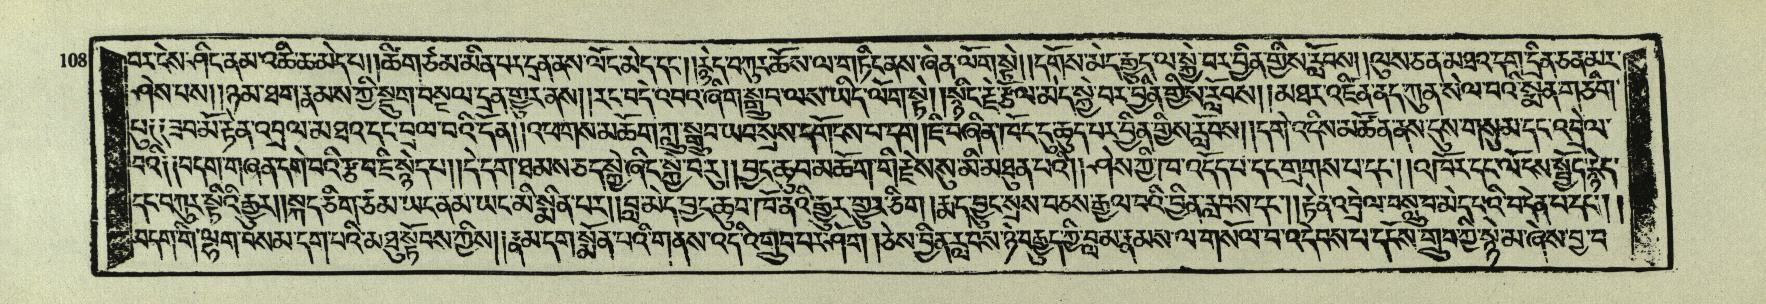བར་དེས་ཤིང་ནམ་འཆི་ཆ་མེད་པ། །ཚིག་ཙམ་མིན་པར་དྲན་ནས་ལོང་མེད་དང་། །རྙེད་བཀུར་ཆོས་ལ་གཏིང་ནས་ཞེན་ལོག་སྟེ། །དགོས་མེད་རྒྱུད་ལ་སྐྱེ་བར་བྱིན་གྱིས་རློབས། །ལུས་ཅན་མཐའ་དག་དྲིན་ཅན་མར་
ཤེས་པས། །ཉམ་ཐག་རྣམས་ཀྱི་སྡུག་བསྔལ་དྲན་གྱུར་ནས། །རང་བདེ་འབའ་ཞིག་སྒྲུབ་ལས་ཡིད་ལོག་སྟེ། །སྙིང་རྗེ་རྩོལ་མེད་སྐྱེ་བར་བྱིན་གྱིས་རློབས། །མཐར་འཛིན་ནད་ཀུན་སེལ་བའི་སྨན་གཅིག་
པུ༑ ༑ཟབ་མོ་རྟེན་འབྲལ་མཐའ་དང་བྲལ་བའི་དོན། །འཕགས་མཆོག་ཀླུ་སྒྲུབ་ཡབ་སྲས་དགོངས་པ་དག །ཇི་བཞིན་ཁོང་དུ་ཆུད་པར་བྱིན་གྱིས་རློབས། །དགེ་འདིས་མཚོན་ནས་དུས་གསུམ་དང་འབྲེལ་
བའི༑ ༑བདག་གཞན་དགེ་བའི་རྩ་བ་ཇི་སྙེད་པ། །དེ་དག་ཐམས་ཅད་སྐྱེ་ཞིང་སྐྱེ་བ་རུ། །བྱང་ཆུབ་མཆོག་གི་རྗེས་སུ་མི་མཐུན་པའི། །ཤེས་ཀྱི་ཁ་འདོད་པ་དང་གྲགས་པ་དང་། །འཁོར་དང་ལོངས་སྤྱོད་རྙེད་
དང་བཀུར་སྟིའི་རྒྱུར། །སྐད་ཅིག་ཙམ་ཡང་ནམ་ཡང་མི་སྨིན་པར། །བླ་མེད་བྱང་ཆུབ་ཁོ་ནའི་རྒྱུར་གྱུར་ཅིག །རྨད་བྱུང་སྲས་བཅས་རྒྱལ་བའི་བྱིན་རླབས་དང་། །རྟེན་འབྲེལ་བསླུ་བ་མེད་པའི་བདེན་པ་དང་། །
བདག་གི་ལྷག་བསམ་དག་པའི་མཐུ་སྟོབས་ཀྱིས། །རྣམ་དག་སྨོན་པའི་གནས་འདི་འགྲུབ་པར་ཤོག །ཅེས་བྱིན་རླབས་ཉེ་བརྒྱུད་ཀྱི་བླ་མ་རྣམས་ལ་གསོལ་བ་འདེབས་པ་དངོས་གྲུབ་ཀྱི་སྙེ་མ་ཞེས་བྱ་བ་